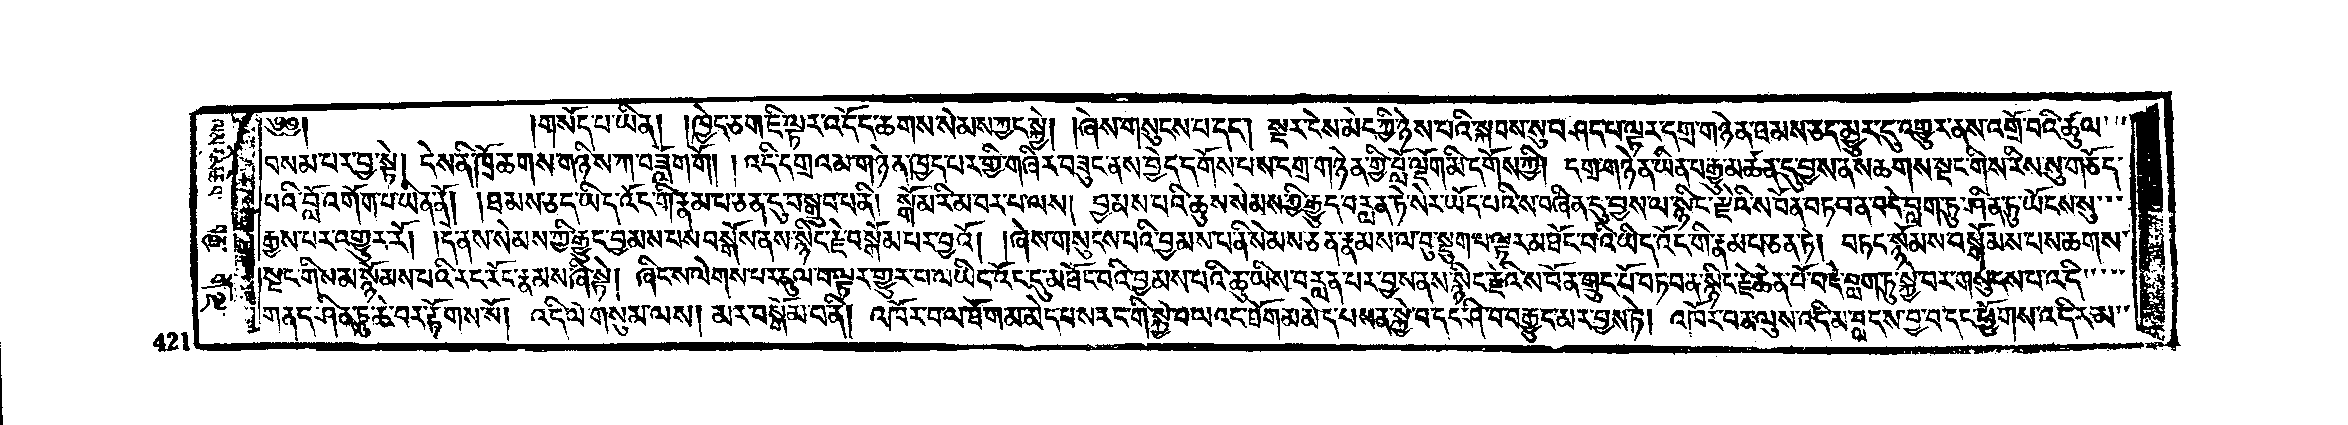༄༅། །གསོད་པ་ཡིན། །ཁྱེད་ཅག་ཇི་ལྟར་འདོད་ཆགས་སེམས་ཀྱང་སྐྱེ། །ཞེས་གསུངས་པ་དང་། སྔར་ངེས་མེད་ཀྱི་ཉེས་པའི་སྐབས་སུ་བཤད་པ་ལྟར་དགྲ་གཉེན་ཐམས་ཅད་མྱུར་དུ་འགྱུར་ནས་འགྲོ་བའི་ཚུལ་
བསམ་པར་བྱ་སྟེ། དེས་ནི་ཁྲོ་ཆགས་གཉིས་ཀ་བཟློག་གོ། །འདི་དགྲའམ་གཉེན་ཁྱད་པར་གྱི་གཞིར་བཞུང་ནས་བྱེད་དགོས་པས་དགྲ་གཉེན་གྱི་བློ་ལྡོག་མི་དགོས་ཀྱི། དགྲ་གཉེན་ཡིན་པ་རྒྱུ་མཚན་དུ་བྱས་ནས་ཆགས་སྡང་གིས་རིས་སུ་གཅོད་
བའི་བློ་འགོག་པ་ཡིན་ནོ། །ཐམས་ཅད་ཡིད་འོང་གི་རྣམ་པ་ཅན་དུ་བསྒྲུབ་པ་ནི། སྒོམ་རིམ་བར་པ་ལས། བྱམས་པའི་ཆུས་སེམས་ཀྱི་རྒྱུད་བརླན་ཏེ་སེར་ཡོད་པའི་ས་བཞིན་དུ་བྱས་ལ་སྙིང་རྗེའི་ས་བོན་བཏབ་ན་བདེ་བླག་ཏུ་ཤིན་ཏུ་ཡོངས་སུ་
རྒྱས་པར་འགྱུར་རོ། །དེ་ནས་སེམས་ཀྱི་རྒྱུད་བྱམས་པས་བསྒོས་ནས་སྙིང་རྗེ་བསྒོམ་པར་བྱའོ། །ཞེས་གསུངས་པའི་བྱམས་པ་ནི་སེམས་ཅན་རྣམས་ལ་བུ་སྡུག་བལྟར་མཐོང་བའི་ཡིད་འོང་གི་རྣམ་པ་ཅན་ཏེ། བཏང་སྙོམས་བསྒོམས་པས་ཆགས་
སྡང་གིས་མ་སྙོམས་པའི་རང་རོང་རྣམས་ཞི་སྟེ། ཞིང་ས་ལེགས་པར་དུལ་བ་ལྟར་གྱུར་པ་ལ་ཡིད་འོང་དུ་མཐོང་བའི་བྱམས་པའི་ཆུ་ཡིས་བརླན་པར་བྱས་ནས་སྙིང་རྗེའི་ས་བོན་གྲུང་པོ་བཏབ་ན་སྙིང་རྗེ་ཆེན་པོ་བདེ་བླག་ཏུ་སྐྱེ་བར་གསུངས་པ་འདི་
གནད་ཤིན་ཏུ་ཆེ་བར་རྟོགས་སོ། །འདི་ལ་གསུམ་ལས། མར་བསྒོམ་པ་ནི། འཁོར་བ་ལ་ཐོག་མ་མེད་པས་རང་གི་སྐྱེ་བ་ལའང་ཐོག་མ་མེད་པས་ན་སྐྱེ་བ་དང་ཤི་བ་བརྒྱུད་མར་བྱས་ཏེ། འཁོར་བ་ན་ལུས་འདི་མ་བླངས་བྱ་བ་དང་ཕྱོགས་འདིར་མ་